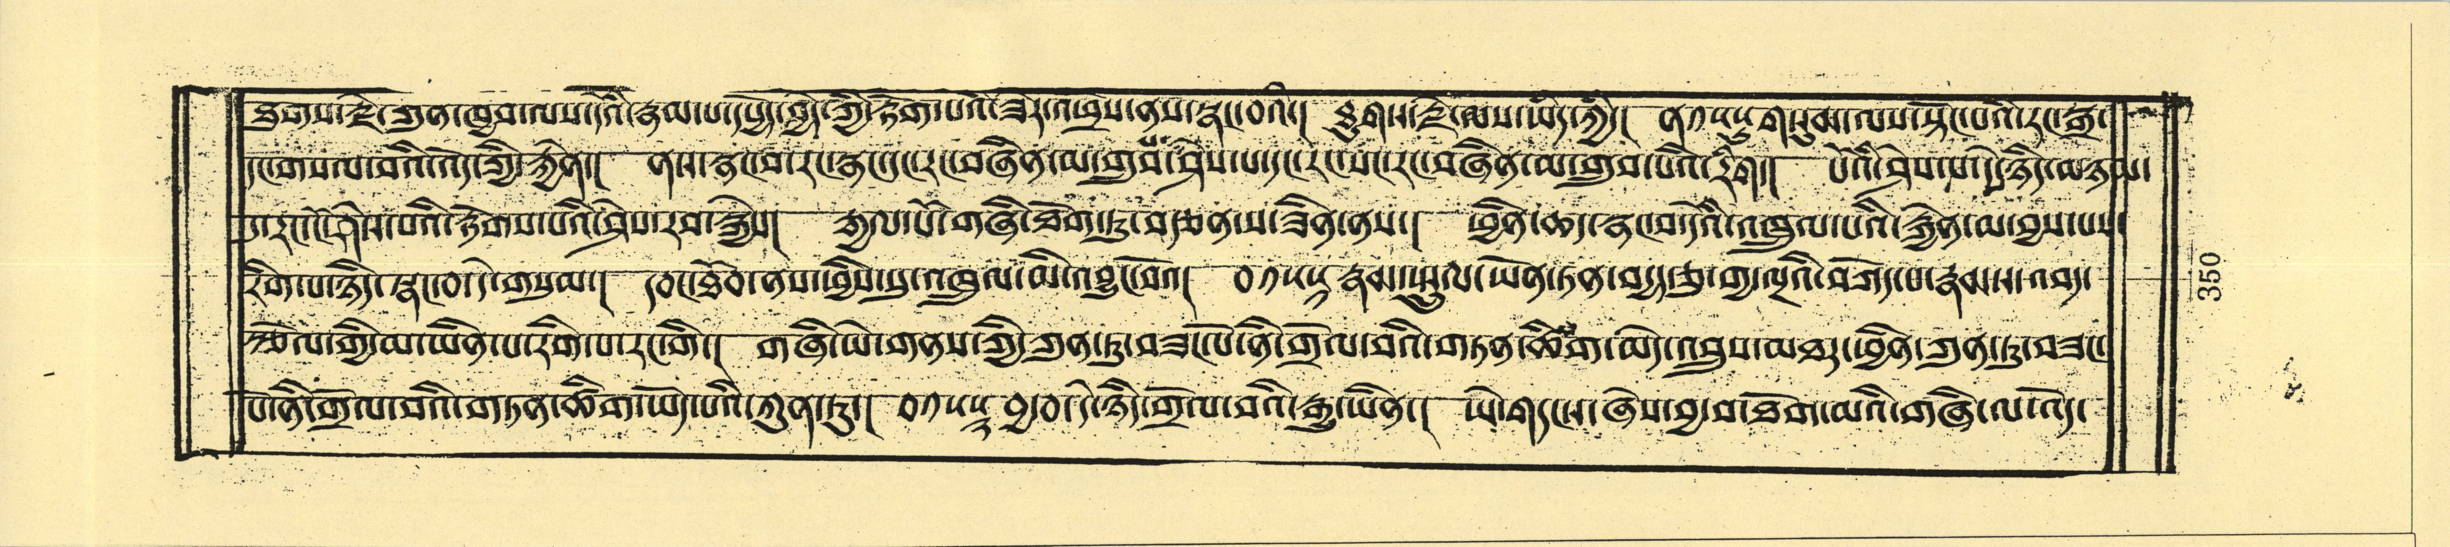ཐུགས་རྗེ་ཀུན་ཁྱབ་ལས་དེའི་རྣམ་པ་དཔྱོད་བྱེད་ཀྱི་རྟོག་པའི་ཟེར་འཕྲོས་ནས་ ༼སྣང་བའི།༽ ༼ཐུགས་རྗེ་༽ལས་ ༼ཡིད་ཀྱི།༽ན༡༥༥།༦ ༼གསུམ་༽ལས་སྟོང་པའི་རང་སྒྲ་
དང་གསལ་བའི་འོད་ཀྱི་ ༼རྐྱེན།༽ ༼ནས་༽སྣང་བ་རང་སྣང་དང་རང་བཞིན་མ་གྲུབ་པ་ཤེས་པ་དང་རང་སང་རང་བཞིན་མ་གྲུབ་པའི་ ༼རིག།༽ ༼པོའི་༽ཤེས་པ་དེ་ཉིད་མཉམ་
དུ་ ༼རང་ངོ་ཤེས་༽པའི་རྟོགས་པའི་ཤེས་རབ་སྐྱེས། ༼རྒྱལ་པོ་༽གཞི་ཐོག་ཏུ་བརྩན་ས་ཟིན་ནས། ཕྱིན་ཆད་སྣང་བ་དེའི་འཁྲུལ་པའི་རྐྱེན་མ་བྱས་པས་
རིག་པ་ཉིད་ ༼སྣང་བ་༽དེ་གསུམ། ༼དབང་ཐོབ་༽ནས་ཕྱིས་སུ་འཁྲུལ་མི་འབྱུང་བའོ། བ༡༥༥།༡ ༼རྣམ་སྤྲུལ་༽ཡོན་ཏན་བརྒྱད་ཅུ་གྱ་ལྔའི་བཀོད་པ་ ༼རྣམས་༽འབད་
རྩོལ་གྱི་མ་ཡིན་པ་རིག་པ་རང་གི། གཞི་ཡེ་གནས་ཀྱི་ཀུན་ཏུ་བཟང་པོ་ནི་གྲོལ་བའི་གཏན་ཚིག་མེད་འབྲས་བུ་མཐར་ཕྱིན་ཀུན་ཏུ་བཟང་
པོ་ནི་གྲོལ་བའི་གཏན་ཚིག་ཡོད་པའི་ ༼ཀུན་ཏུ།༽བ༡༥༥།༢ ༼བྱ་བ་༽དེ་ཉིད་གྲོལ་བའི་རྒྱུ་ཡིན། ༼ཡེ་གདངས་༽ཞེས་བྱ་བ་ཐོག་མའི་གཞི་ལ་འོད་